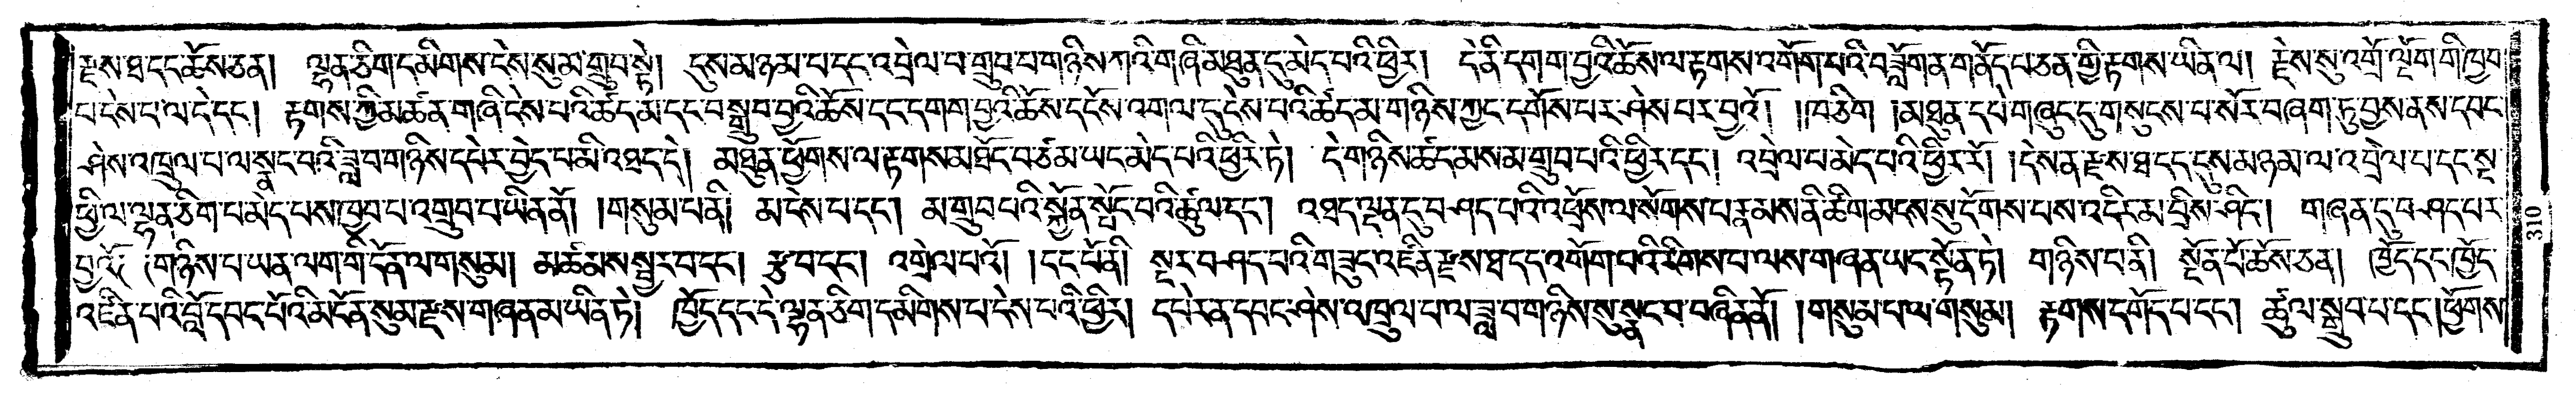རྫས་ཐ་དད་ཆོས་ཅན། ལྷན་ཅིག་དམིགས་ངེས་སུ་མ་གྲུབ་སྟེ། དུས་མཉམ་པ་དང་འབྲེལ་བ་གྲུབ་པ་གཉིས་ཀའི་གཞི་མཐུན་དུ་མེད་པའི་ཕྱིར། དེ་ནི་དགག་བྱའི་ཆོས་ལ་རྟགས་འགོག་པའི་བཟློག་ན་གནོད་པ་ཅན་གྱི་རྟགས་ཡིན་ལ། རྗེས་སུ་འགྲོ་ལྡོག་གི་ཁྱབ་
པ་ངེས་པ་ལ་དེ་དང་། རྟགས་ཀྱི་མཚན་གཞི་ངེས་པའི་ཚད་མ་དང་བསྒྲུབ་བྱའི་ཆོས་དང་དགག་བྱའི་ཆོས་དངོས་འགལ་དུ་ངེས་པའི་ཚད་མ་གཉིས་ཀྱང་དགོས་པར་ཤེས་པར་བྱའོ། །ཁ་ཅིག །མཐུན་དཔེ་གཞུང་དུ་གསུངས་པ་སོར་བཞག་ཏུ་བྱས་ནས་དབང་
ཤེས་འཁྲུལ་པ་ལ་སྣང་བའི་ཟླ་བ་གཉིས་དཔེར་བྱེད་པ་མི་འཐད་དེ། མཐུན་ཕྱོགས་ལ་རྟགས་མཐོང་བ་ཙམ་ཡང་མེད་པའི་ཕྱིར་ཏེ། དེ་གཉིས་ཚད་མས་མ་གྲུབ་པའི་ཕྱིར་དང་། འབྲེལ་པ་མེད་པའི་ཕྱིར་རོ། །དེས་ན་རྫས་ཐ་དད་དུས་མཉམ་ལ་འབྲེལ་པ་དང་སྔ་
ཕྱི་ལ་ལྷན་ཅིག་པ་མེད་པས་ཁྱབ་པ་འགྲུབ་པ་ཡིན་ནོ། །གསུམ་པ་ནི། མ་ངེས་པ་དང་། མ་གྲུབ་པའི་སྐྱོན་སྤོང་བའི་ཚུལ་དང་། འཐད་ལྡན་དུ་བཤད་པའི་འཕྲོས་ལ་སོགས་པ་རྣམས་ནི་ཚིག་མངས་སུ་དོགས་པས་འདིར་མ་བྲིས་ཤིང་། གཞན་དུ་བཤད་པར་
བྱའོ། །གཉིས་པ་ཡན་ལག་གི་དོན་ལ་གསུམ། མཚམས་སྦྱར་བ་དང་། རྩ་བ་དང་། འགྲེལ་པའོ། །དང་པོ་ནི། སྔར་བཤད་པའི་གཟུང་འཛིན་རྫས་ཐ་དད་འགོག་པའི་རིགས་པ་ལས་གཞན་ཡང་སྟོན་ཏེ། གཉིས་པ་ནི། སྔོན་པོ་ཆོས་ཅན། ཁྱོད་དང་ཁྱོད་
འཛིན་པའི་བློ་དབང་པོའི་མངོན་སུམ་རྫས་གཞན་མ་ཡིན་ཏེ། ཁྱོད་དང་དེ་ལྷན་ཅིག་དམིགས་པ་ངེས་པའི་ཕྱིར། དཔེར་ན་དབང་ཤེས་འཁྲུལ་པ་ལ་ཟླ་བ་གཉིས་སུ་སྣང་བ་བཞིན་ནོ། །གསུམ་པ་ལ་གསུམ། རྟགས་དགོད་པ་དང་། ཚུལ་སྒྲུབ་པ་དང་། ཕྱོགས་